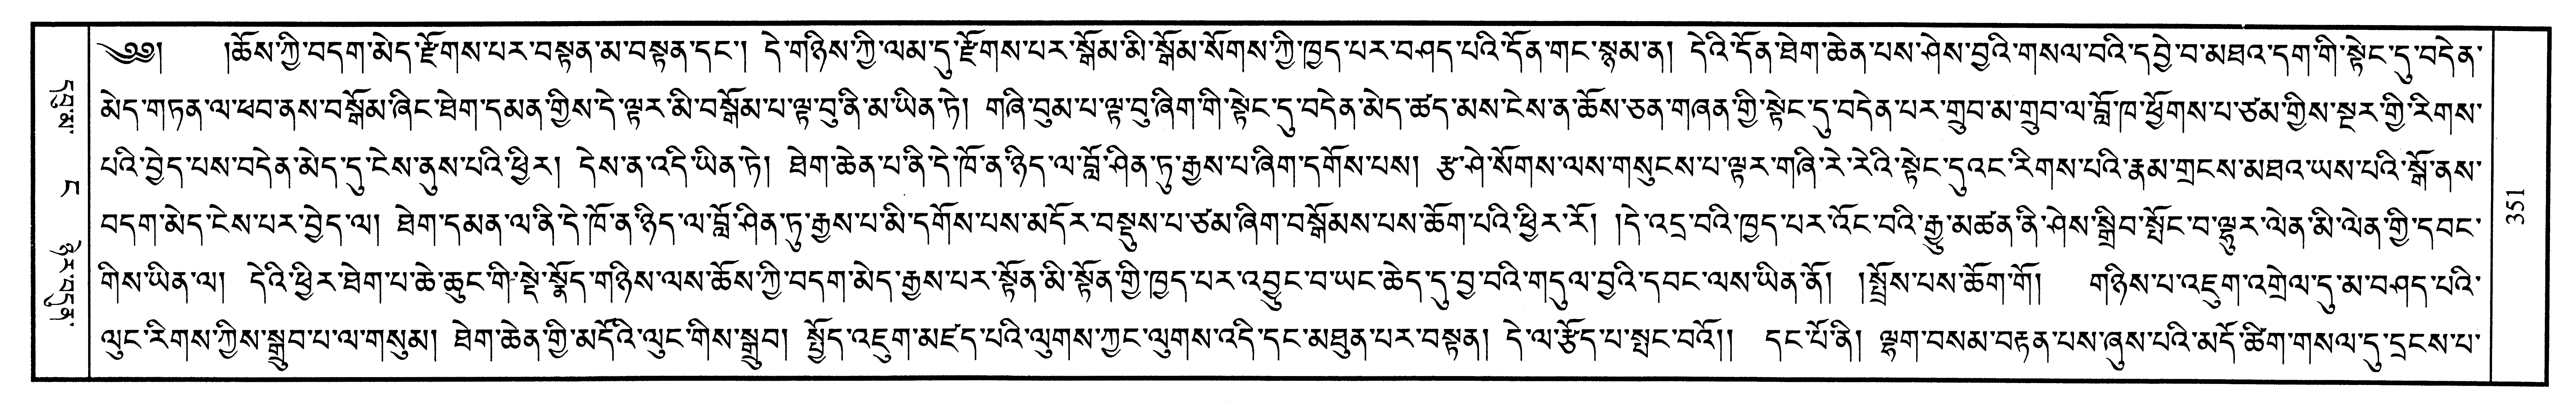༄༅། །ཆོས་ཀྱི་བདག་མེད་རྫོགས་པར་བསྟན་མ་བསྟན་དང་། དེ་གཉིས་ཀྱི་ལམ་དུ་རྫོགས་པར་སྒོམ་མི་སྒོམ་སོགས་ཀྱི་ཁྱད་པར་བཤད་པའི་དོན་གང་སྙམ་ན། དེའི་དོན་ཐེག་ཆེན་པས་ཤེས་བྱའི་གསལ་བའི་དབྱེ་བ་མཐའ་དག་གི་སྟེང་དུ་བདེན་
མེད་གཏན་ལ་ཕབ་ནས་བསྒོམ་ཞིང་ཐེག་དམན་གྱིས་དེ་ལྟར་མི་བསྒོམ་པ་ལྟ་བུ་ནི་མ་ཡིན་ཏེ། གཞི་བུམ་པ་ལྟ་བུ་ཞིག་གི་སྟེང་དུ་བདེན་མེད་ཚད་མས་ངེས་ན་ཆོས་ཅན་གཞན་གྱི་སྟེང་དུ་བདེན་པར་གྲུབ་མ་གྲུབ་ལ་བློ་ཁ་ཕྱོགས་པ་ཙམ་གྱིས་སྔར་གྱི་རིགས་
པའི་བྱེད་པས་བདེན་མེད་དུ་ངེས་ནུས་པའི་ཕྱིར། དེས་ན་འདི་ཡིན་ཏེ། ཐེག་ཆེན་པ་ནི་དེ་ཁོ་ན་ཉིད་དུ་ལ་བློ་ཤིན་ཏུ་རྒྱས་པ་ཞིག་དགོས་པས། རྩ་ཤེ་སོགས་ལས་གསུངས་པ་ལྟར་གཞི་རེ་རེའི་སྟེང་དུའང་རིགས་པའི་རྣམ་གྲངས་མཐའ་ཡས་པའི་སྒོ་ནས་
བདག་མེད་ངེས་པར་བྱེད་ལ། ཐེག་དམན་ལ་ནི་དེ་ཁོ་ན་ཉིད་ལ་བློ་ཤིན་ཏུ་རྒྱས་པ་མི་དགོས་པས་མདོར་བསྡུས་པ་ཙམ་ཞིག་བསྒོམས་པས་ཆོག་པའི་ཕྱིར་རོ། །དེ་འདྲ་བའི་ཁྱད་པར་འོང་བའི་རྒྱུ་མཚན་ནི་ཤེས་སྒྲིབ་སྤོང་བ་ལྷུར་ལེན་མི་ལེན་གྱི་དབང་
གིས་ཡིན་ལ། དེའི་ཕྱིར་ཐེག་པ་ཆེ་ཆུང་གི་སྡེ་སྣོད་གཉིས་ལས་ཆོས་ཀྱི་བདག་མེད་རྒྱས་པར་སྟོན་མི་སྟོན་གྱི་ཁྱད་པར་འབྱུང་བ་ཡང་ཆེད་དུ་བྱ་བའི་གདུལ་བྱའི་དབང་ལས་ཡིན་ནོ། །སྤྲོས་པས་ཆོག་གོ། གཉིས་པ་འཇུག་འགྲེལ་དུ་མ་བཤད་པའི་
ལུང་རིགས་ཀྱིས་སྒྲུབ་པ་ལ་གསུམ། ཐེག་ཆེན་གྱི་མདོའི་ལུང་གིས་སྒྲུབ། སྤྱོད་འཇུག་མཛད་པའི་ལུགས་ཀྱང་ལུགས་འདི་དང་མཐུན་པར་བསྟན། དེ་ལ་རྩོད་པ་སྤང་བའོ།། དང་པོ་ནི། ལྷག་བསམ་བརྟན་པས་ཞུས་པའི་མདོ་ཚིག་གསལ་དུ་དྲངས་པ་